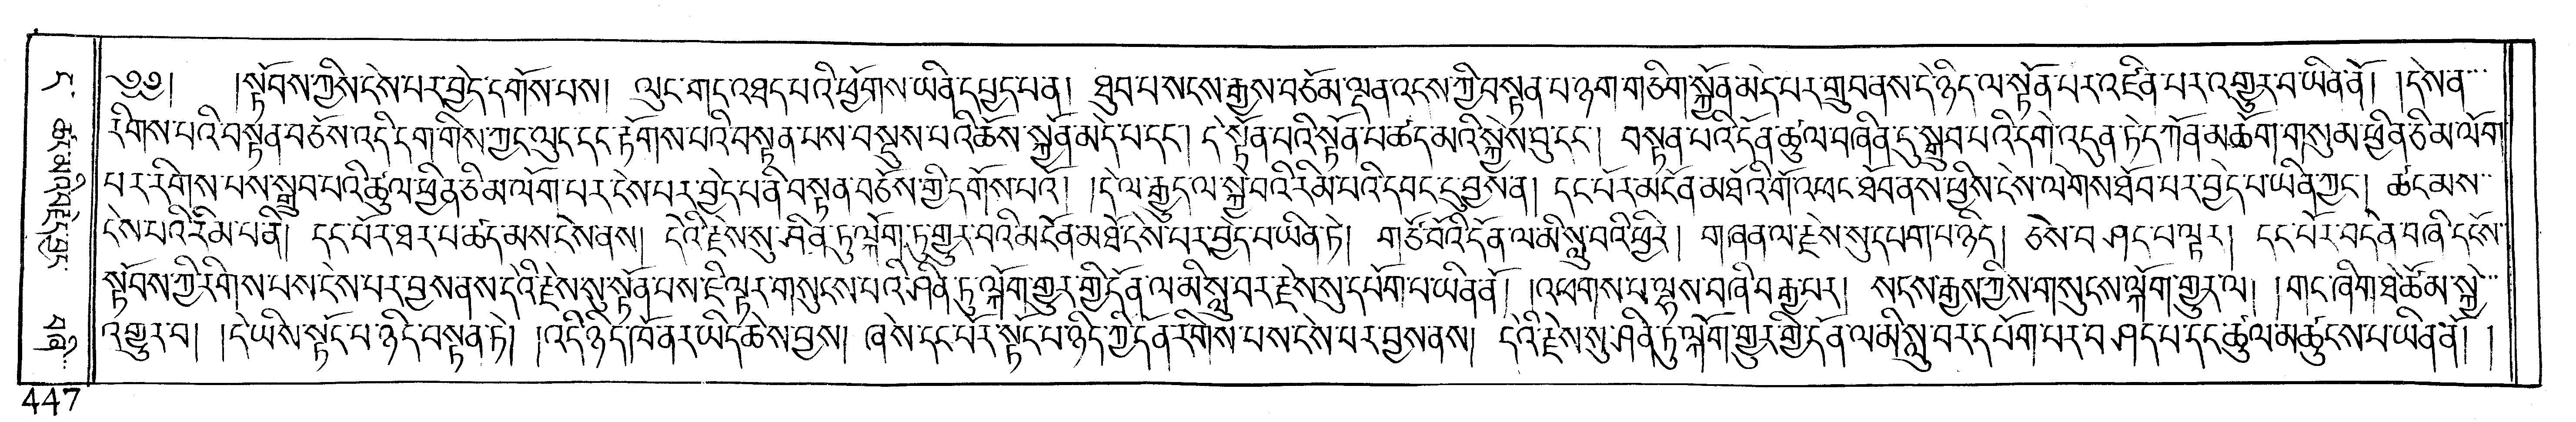༄༅། །སྟོབས་ཀྱིས་ངེས་པར་བྱེད་དགོས་པས། ལུང་གང་འཐད་པའི་ཕྱོགས་ཡིན་དཔྱད་པ་ན། ཐུབ་པ་སངས་རྒྱས་བཅོམ་ལྡན་འདས་ཀྱི་བསྟན་པ་ཉག་གཅིག་སྐྱོན་མེད་པར་གྲུབ་ནས་དེ་ཉིད་ལ་སྟོན་པར་འཛིན་པར་འགྱུར་བ་ཡིན་ནོ། །དེས་ན་
རིགས་པའི་བསྟན་བཅོས་འདི་དག་གིས་ཀྱང་ལུང་དང་རྟོགས་པའི་བསྟན་པས་བསྡུས་པའི་ཆོས་སྐྱོན་མེད་པ་དང་། དེ་སྟོན་པའི་སྟོན་པ་ཚད་མའི་སྐྱེས་བུ་དང་། བསྟན་པའི་དོན་ཚུལ་བཞིན་དུ་སྒྲུབ་པའི་དགེ་འདུན་ཏེ་དཀོན་མཆོག་གསུམ་ཕྱིན་ཅི་མ་ལོག་
པར་རིགས་པས་སྒྲུབ་པའི་ཚུལ་ཕྱིན་ཅི་མ་ལོག་པར་ངེས་པར་བྱེད་པ་ནི་བསྟན་བཅོས་ཀྱི་དགོས་པའོ། །དེ་ལ་རྒྱུད་ལ་སྐྱེ་བའི་རིམ་པའི་དབང་དུ་བྱས་ན། དང་པོར་མངོན་མཐོའི་གོ་འཕང་ཐོབ་ནས་ཕྱིས་ངེས་ལེགས་ཐོབ་པར་བྱེད་པ་ཡིན་ཀྱང་། ཚད་མས་
ངེས་པའི་རིམ་པ་ནི། དང་པོར་ཐར་པ་ཚད་མས་ངེས་ནས། དེའི་རྗེས་སུ་ཤིན་ཏུ་ལྐོག་ཏུ་གྱུར་པའི་མངོན་མཐོ་ངེས་པར་བྱེད་པ་ཡིན་ཏེ། གཙོ་བོའི་དོན་ལ་མི་སླུ་བའི་ཕྱིར། གཞན་ལ་རྗེས་སུ་དཔག་པ་ཉིད། ཅེས་བཤད་པ་ལྟར། དང་པོར་བདེན་བཞི་དངོས་
སྟོབས་ཀྱི་རིགས་པས་ངེས་པར་བྱས་ནས། དེའི་རྗེས་སུ་སྟོན་པས་ཇི་ལྟར་གསུངས་པའི་ཤིན་ཏུ་ལྐོག་གྱུར་གྱི་དོན་ལ་མི་སླུ་བར་རྗེས་སུ་དཔོག་པ་ཡིན་ནོ། །འཕགས་པ་ལྷས་བཞི་བརྒྱ་པར། སངས་རྒྱས་ཀྱིས་གསུངས་ལྐོག་གྱུར་ལ། །གང་ཞིག་ཐེ་ཚོམ་སྐྱེ་
འགྱུར་བ། །དེ་ཡིས་སྟོང་པ་ཉིད་བསྟན་ཏེ། །འདི་ཉིད་ཁོ་ནར་ཡིད་ཆེས་བྱས། ཞེས་དང་པོར་སྟོང་པ་ཉིད་ཀྱི་དོན་རིགས་པས་ངེས་པར་བྱས་ནས། དེའི་རྗེས་སུ་ཤིན་ཏུ་ལྐོག་གྱུར་གྱི་དོན་ལ་མི་སླུ་བར་དཔོག་པར་བཤད་པ་དང་ཚུལ་མཚུངས་པ་ཡིན་ནོ། །